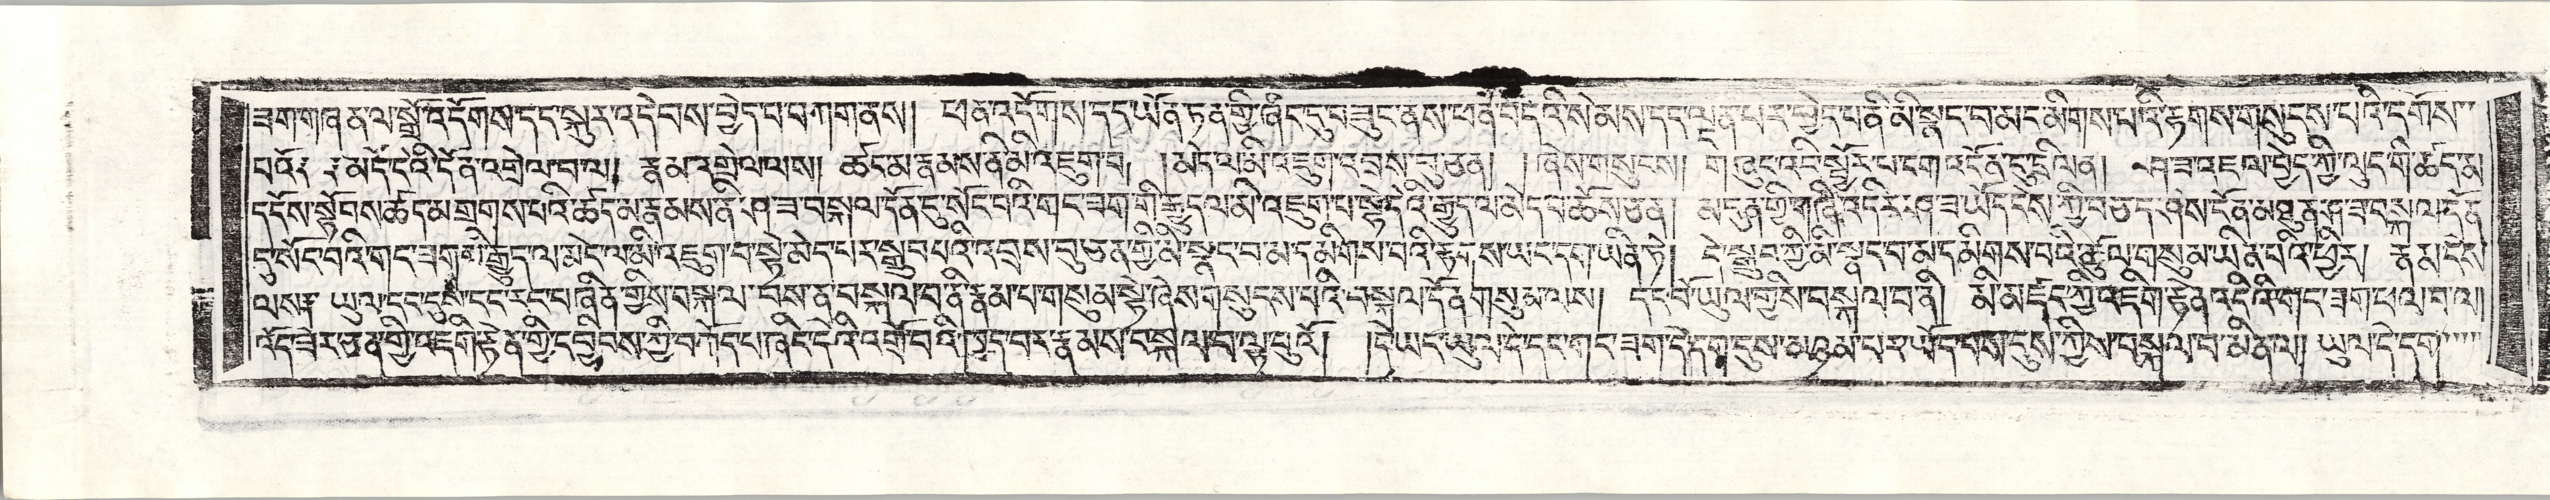ཟག་གཞན་ལ་སྒྲོ་འདོགས་དང་སྐུར་འདེབས་བྱེད་པ་བཀག་ནས། ཕན་འདོགས་དང་ཡོན་ཏན་གྱི་ཞིང་དུ་བཟུང་ནས་ཕན་བདེའི་སེམས་དང་ལྡན་པར་བྱེད་པ་ནི་མི་སྣང་བ་མ་དམིགས་པའི་རྟགས་གསུངས་པའི་དགོས་
པའོ། །མདོ་དེའི་དོན་འགྲེལ་བ་ལ། རྣམ་འགྲེལ་ལས། ཚད་མ་རྣམས་ནི་མི་འཇུག་པ། །མེད་ལ་མི་འཇུག་འབྲས་བུ་ཅན། ཞེས་གསུངས། གཞུང་འདི་སྦྱོར་བ་ངག་འདོན་དུ་དྲིལ་ན། ཤ་ཟ་འཇལ་བྱེད་ཀྱི་ལུང་གི་ཚད་མ་
དངོས་སྟོབས་ཚད་མ་གྲགས་པའི་ཚད་མ་རྣམས་ནི་ཤ་ཟ་བསྐལ་དོན་དུ་སོང་བའི་གང་ཟག་གི་རྒྱུད་ལ་མི་འཇུག་པ་སྟེ་དེའི་རྒྱུད་ལ་མེད་པ་ཆོས་ཅན། མདུན་གྱི་གཞི་འདིར་ཤ་ཟ་ཡོད་ངེས་ཀྱི་བཅད་ཤེས་དོན་མཐུན་ཤ་ཟ་བསྐལ་དོན་
དུ་སོང་བའི་གང་ཟག་གི་རྒྱུད་ལ་མེད་ལ་མི་འཇུག་པ་སྟེ་མེད་པར་སྒྲུབ་པའི་འབྲས་བུ་ཅན་གྱི་མི་སྣང་བ་མ་དམིགས་པའི་རྟགས་ཡང་དག་ཡིན་ཏེ། དེ་སྒྲུབ་ཀྱི་མི་སྣང་བ་མ་དམིགས་པའི་ཚུལ་གསུམ་ཡིན་པའི་ཕྱིར། རྣམ་ངེས་
ལས། ཡུལ་དང་དུས་དང་རང་བཞིན་གྱིས་བསྐལ་བས་ན་བསྐལ་བ་ནི་རྣམ་པ་གསུམ་སྟེ་ཞེས་གསུངས་པའི་བསྐལ་དོན་གསུམ་ལས། དང་པོ་ཡུལ་གྱིས་བསྐལ་བ་ནི། མི་མཇེད་ཀྱི་འཇིག་རྟེན་འདིའི་གང་ཟག་ཕལ་བ་ལ།
འོད་ཟེར་ཅན་གྱི་འཇིག་རྟེན་གྱི་དབྱིབས་ཀྱི་བཀོད་པ་ཞིང་དེའི་འགྲོ་བའི་ཁྱད་པར་རྣམས་བསྐལ་བ་ལྟ་བུའོ། །དེ་ཡང་ཡུལ་དེ་དང་གང་ཟག་དེ་དག་དུས་མཉམ་པར་ཡོད་པས་དུས་ཀྱིས་བསྐལ་བ་མིན་ལ། ཡུལ་དེ་དག་